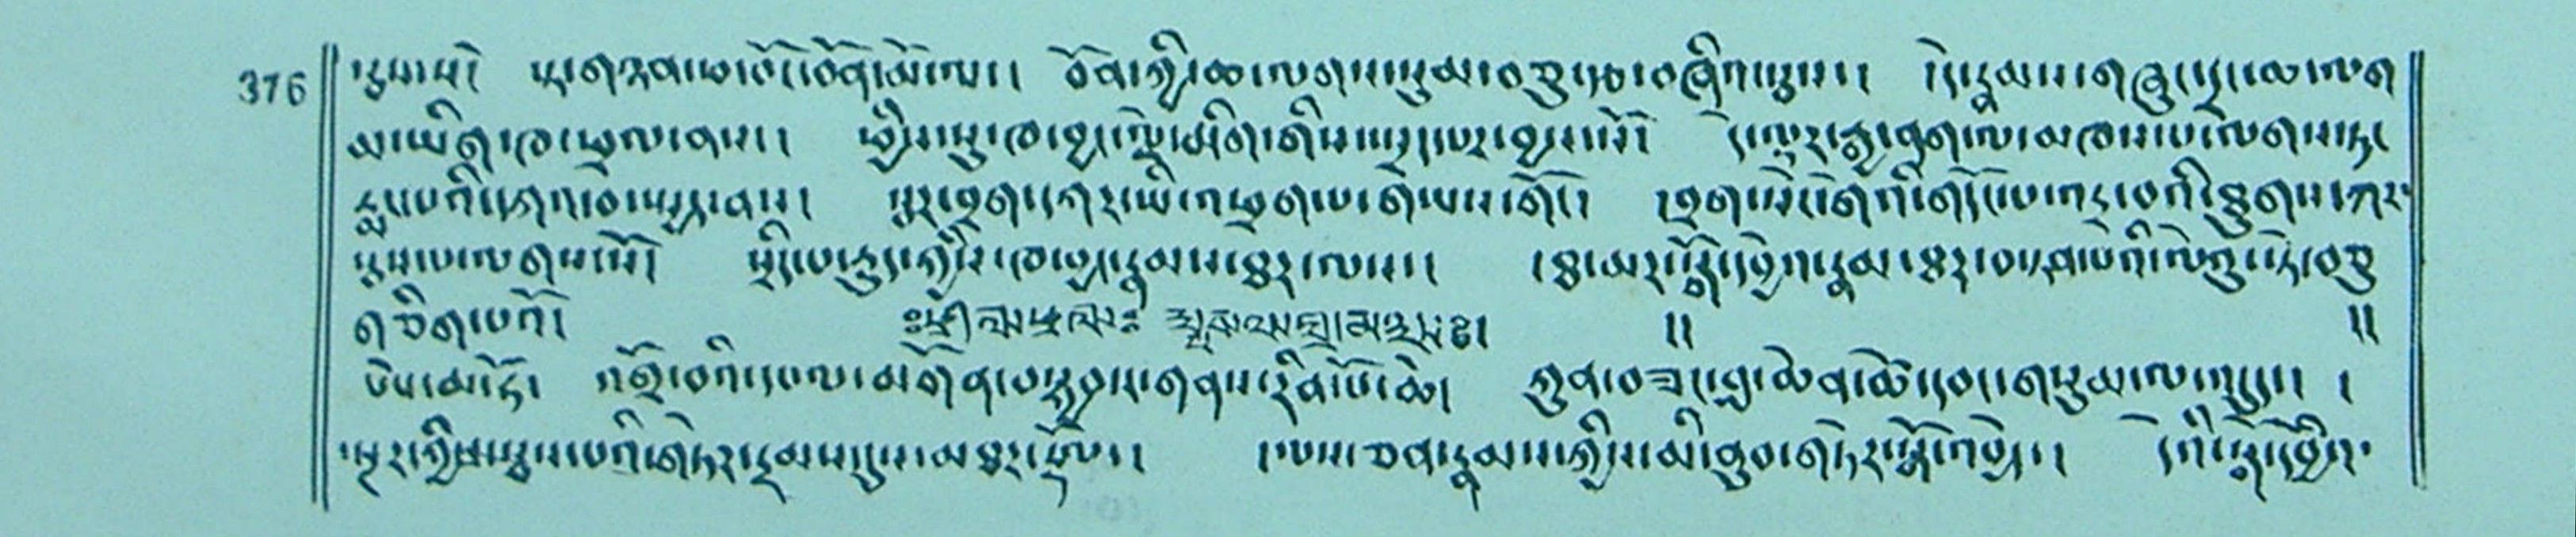སྦས་སོ། རྟ་གཉན་ཕ་བོང་བོན་མོ་ལ། བོན་གྱི་ཆ་ལག་སུམ་བཅུ་རྩ་བཞིའ་སྦས། དེ་རྣམས་གཞུང་དང་ཆ་ལག་
མ་ཡིག་ཁ་ཕྲལ་ནས། ཕྱིས་སུ་ཁ་བྱང་ལྡེ་མིག་གིས་སྤྲད་པར་བྱས་སོ། །དེ་ལྟར་རྒྱ་ནག་ལ་མཁས་པ་ལེགས་ཏང་
རྨང་པའི་དཀའ་བ་སྤྱད་ནས། སྦར་བྲག་དཀར་ཡི་འཕྲག་པ་གཡས་གོང་། བྲག་སེང་གེའི་གདོང་བ་འདྲ་བའི་ཐུགས་ཀར་
སྦས་པ་ལགས་སོ། །སྲིད་པ་རྒྱུད་ཀྱི་ཁ་བྱང་རྣམ་ཐར་ལས། ཐ་མར་སྒོ་དབྱེའ་རྣམ་ཐར་བསྟན་པའི་ལེའུ་སྟེ་བཅུ་
གཅིག་པའོ།། །། 
ཨེ་མ་ཧོ། འགྲོ་བའི་དཔལ་མགོན་བསྐྱབས་གནས་རིན་པོ་ཆེ། ཀུན་བཟང་བླ་ཆེན་ཚེ་དབང་གསུམ་ལ་འདུད། 
སྔར་གྱིས་སྦས་བའི་གཏེར་རྣམས་དུས་མཐར་རྡོལ། ལས་ཅན་རྣམས་ཀྱི་མི་ནུབ་གཏེར་སྒོ་འབྱེད། དེའི་སྒོ་དབྱེའ་